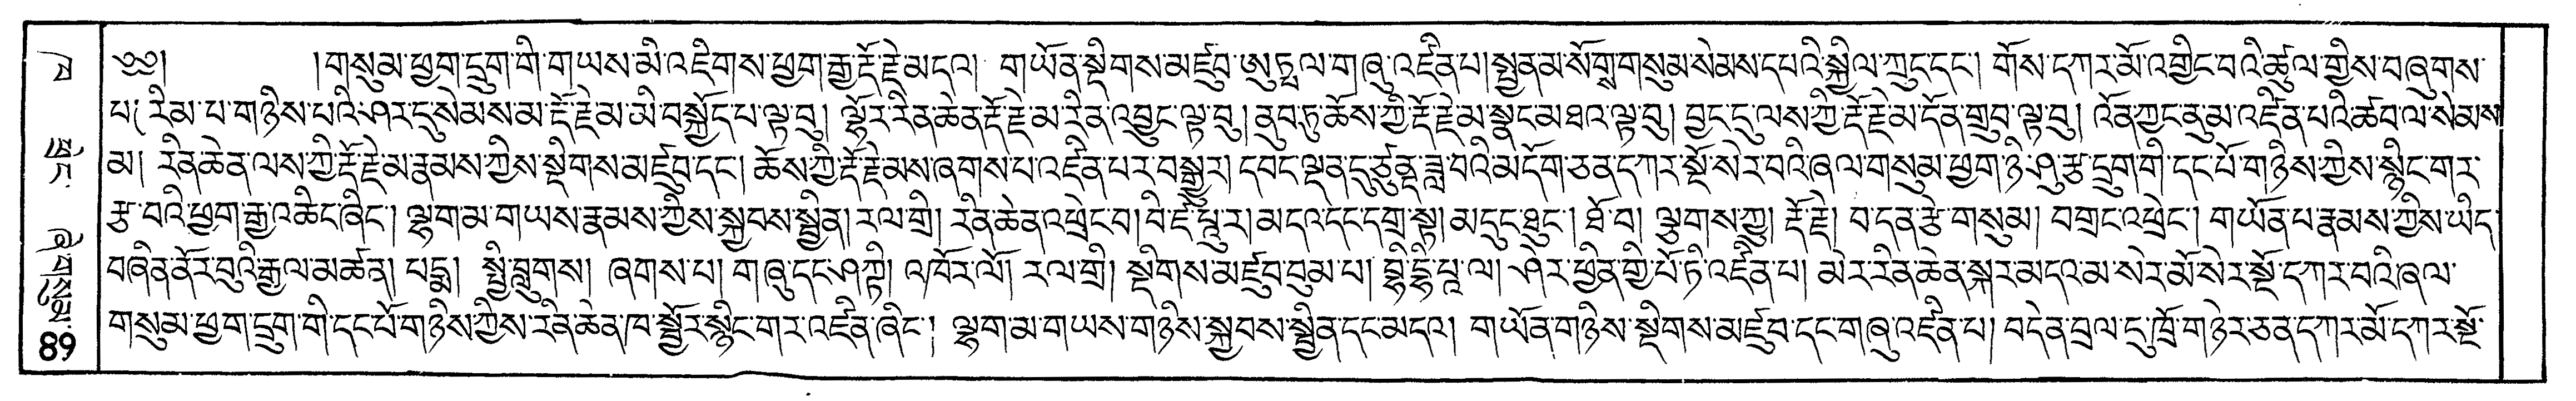༄༅། །གསུམ་ཕྱག་དྲུག་གི་གཡས་མི་འཇིགས་ཕྱག་རྒྱ་རྡོ་རྗེ་མདའ། གཡོན་སྡིགས་མཛུབ་ཨུཏྤལ་གཞུ་འཛིན་པ། སྤྱན་མ་སོགས་གསུམ་སེམས་དཔའི་སྐྱིལ་ཀྲུང་དང་། གོས་དཀར་མོ་འགྱིང་བའི་ཚུལ་གྱིས་བཞུགས་
པ༑ རིམ་པ་གཉིས་པའི་ཤར་དུ་སེམས་མ་རྡོ་རྗེ་མ་མི་བསྐྱོད་པ་ལྟ་བུ། ལྷོར་རིན་ཆེན་རྡོ་རྗེ་མ་རིན་འབྱུང་ལྟ་བུ། ནུབ་ཏུ་ཆོས་ཀྱི་རྡོ་རྗེ་མ་སྣང་མཐའ་ལྟ་བུ། བྱང་དུ་ལས་ཀྱི་རྡོ་རྗེ་མ་དོན་གྲུབ་ལྟ་བུ། འོན་ཀྱང་ནུ་མ་འཛིན་པའི་ཚབ་ལ་སེམས་
མ། རིན་ཆེན་ལས་ཀྱི་རྡོ་རྗེ་མ་རྣམས་ཀྱིས་སྡིགས་མཛུབ་དང་། ཆོས་ཀྱི་རྡོ་རྗེ་མས་ཞགས་པ་འཛིན་པར་བསྒྱུར། དབང་ལྡན་དུ་ཙུནྡ་ཟླ་བའི་མདོག་ཅན་དཀར་སྔོ་སེར་བའི་ཞལ་གསུམ་ཕྱག་ཉི་ཤུ་རྩ་དྲུག་གི་དང་པོ་གཉིས་ཀྱིས་སྙིང་གར་
རྩ་བའི་ཕྱག་རྒྱ་འཆིང་ཞིང་། ལྷག་མ་གཡས་རྣམས་ཀྱིས་སྐྱབས་སྦྱིན། རལ་གྲི། རིན་ཆེན་འཕྲེང་བ། བི་ཛ་པཱུ་ར། མདའ་དང་དགྲ་སྟ། མདུང་ཐུང་། ཐོ་བ། ལྕགས་ཀྱུ། རྡོ་རྗེ། བ་དན་རྩེ་གསུམ། བགྲང་འཕྲེང་། གཡོན་པ་རྣམས་ཀྱིས་ཡིད་
བཞིན་ནོར་བུའི་རྒྱལ་མཚན། པདམ། སྤྱི་བླུགས། ཞགས་པ། གཞུ་དང་ཤཀྟི། འཁོར་ལོ། རལ་གྲི་།སྡིགས་མཛུབ་བུམ་པ། བྷི་དྷི་པཱ་ལ། ཤེར་ཕྱིན་གྱི་པོ་ཏི་འཛིན་པ། མེར་རིན་ཆེན་སྐར་མདའ་མ་སེར་མོ་སེར་སྔོ་དཀར་བའི་ཞལ་
གསུམ་ཕྱག་དྲུག་གི་དང་པོ་གཉིས་ཀྱིས་རིན་ཆེན་ཁ་སྦྱོར་སྙིང་གར་འཛིན་ཞིང་། ལྷག་མ་གཡས་གཉིས་སྐྱབས་སྦྱིན་དང་མདའ། གཡོན་གཉིས་སྡིགས་མཛུབ་དང་གཞུ་འཛིན་པ། བདེན་བྲལ་དུ་ཁྲོ་གཉེར་ཅན་དཀར་མོ་དཀར་སྔོ་